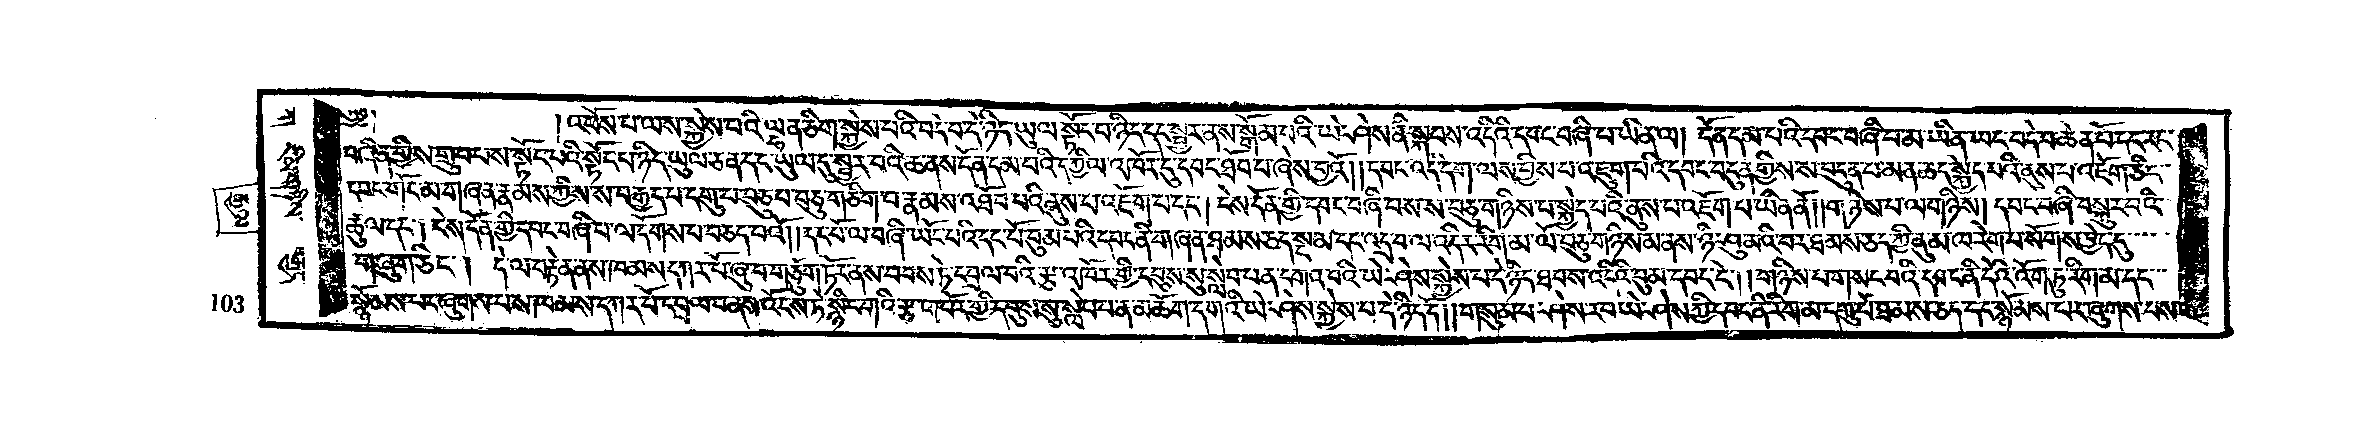༄༅། །འཕོས་པ་ལས་སྐྱེས་པའི་ལྷན་ཅིག་སྐྱེས་པའི་བདེ་བ་དེ་ཉིད་ཡུལ་སྟོང་པ་ཉིད་དང་སྦྱར་ནས་སྒོམ་པའི་ཡེ་ཤེས་ནི་སྐབས་འདིའི་དབང་བཞི་པ་ཡིན་ལ། དོན་དམ་པའི་དབང་བཞི་པ་མ་ཡིན་ཡང་བདེ་བ་ཆེན་པོ་དང་རང་
བཞིན་གྱིས་གྲུབ་པས་སྟོང་པའི་སྟོང་པ་ཉིད་ཡུལ་ཅན་དང་ཡུལ་དུ་སྦྱར་བའི་ཆ་ནས་དོན་དམ་པའི་དཀྱིལ་འཁོར་དུ་དབང་ཐོབ་པ་ཞེས་བྱའོ། །དབང་འདི་དག་ལས་བྱིས་པ་འཇུག་པའི་དབང་བདུན་གྱིས་ས་བདུན་པ་མན་ཆད་སྐྱེད་པའི་ནུས་པ་འཇོག་ཅིང་
དབང་གོང་མ་གཞན་རྣམས་ཀྱིས་ས་བརྒྱད་པ་དགུ་པ་བཅུ་པ་བཅུ་གཅིག་པ་རྣམས་འཐོབ་པའི་ནུས་པ་འཇོག་པ་དང་། ངེས་དོན་གྱི་དབང་བཞི་པས་ས་བཅུ་གཉིས་པ་སྐྱེད་པའི་ནུས་པ་འཇོག་པ་ཡིན་ནོ། །གཉིས་པ་ལ་གཉིས། དབང་བཞི་བསྐུར་བའི་
ཚུལ་དང་། ངེས་དོན་གྱི་དབང་བཞི་པ་ལ་དོགས་པ་བཅད་པའོ། །དང་པོ་ལ་བཞི་ཡོང་བའི་དང་པོ་བུམ་པའི་དབང་ནི་གཞན་ཐམས་ཅད་སྔ་མ་དང་འདྲ་བ་ལ་འདིར་རིག་མ་ལོ་བཅུ་གཉིས་མ་ནས་ཉི་ཤུ་མའི་བར་ཐམས་ཅད་ཀྱི་ནུ་མ་ཁ་རེག་པ་སོགས་བྱེད་དུ་
གཞུག་ཅིང་། དེ་ལ་བརྟེན་ནས་ཁམས་དཀར་པོ་ཞུ་བ་གཙུག་ཏོར་ནས་བབས་ཏེ་དབྲལ་བའི་རྩ་འཁོར་གྱི་དབུས་སུ་སླེབ་པན་དགའ་བའི་ཡེ་ཤེས་སྐྱེས་པ་དེ་ཉིད་ཐབས་འདིའི་བུམ་དབང་ངོ། །གཉིས་པ་གསང་བའི་དབང་ནི་དེའི་འོག་ཏུ་རིག་མ་དང་
སྙོམས་པར་ཞུགས་པས་ཁམས་དཀར་པོ་དབྲལ་བ་ནས་འོངས་ཏེ་སྙིང་གའི་རྩ་འཁོར་གྱི་དབུས་སུ་སླེབ་པ་ན་མཆོག་དགའི་ཡེ་ཤེས་སྐྱེས་པ་དེ་ཉིད་དོ། །གསུམ་པ་ཤེས་རབ་ཡེ་ཤེས་ཀྱི་དབང་ནི་རིག་མ་དགུ་པོ་ཐམས་ཅད་དང་སྙོམས་པར་ཞུགས་པས་